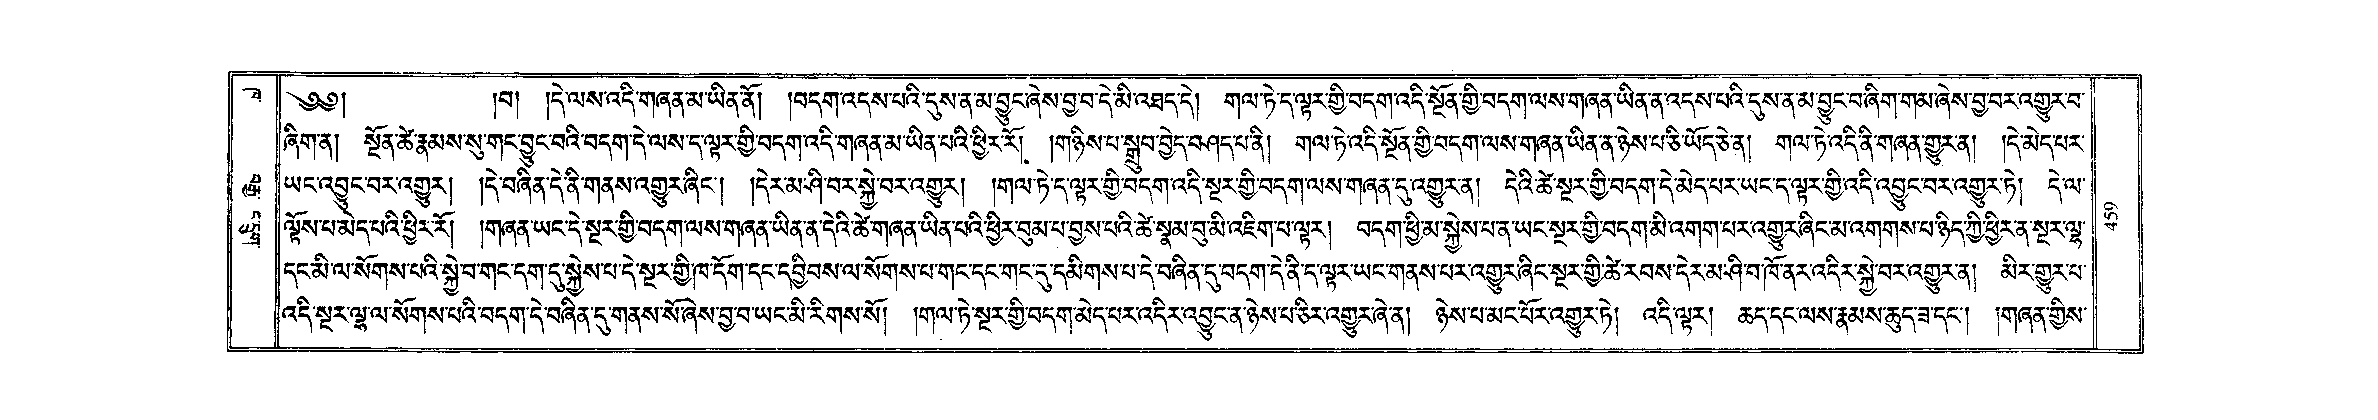༄༅། །བ། །དེ་ལས་འདི་གཞན་མ་ཡིན་ནོ། །བདག་འདས་པའི་དུས་ན་མ་བྱུང་ཞེས་བྱ་བ་དེ་མི་འཐད་དེ། གལ་ཏེ་ད་ལྟར་གྱི་བདག་འདི་སྔོན་གྱི་བདག་ལས་གཞན་ཡིན་ན་འདས་པའི་དུས་ན་མ་བྱུང་བ་ཞིག་གམ་ཞེས་བྱ་བར་འགྱུར་བ་
ཞིག་ན། སྔོན་ཚེ་རྣམས་སུ་གང་བྱུང་བའི་བདག་དེ་ལས་ད་ལྟར་གྱི་བདག་འདི་གཞན་མ་ཡིན་པའི་ཕྱིར་རོ། །གཉིས་པ་སྒྲུབ་བྱེད་བཤད་པ་ནི། གལ་ཏེ་འདི་སྔོན་གྱི་བདག་ལས་གཞན་ཡིན་ན་ཉེས་པ་ཅི་ཡོད་ཅེ་ན། གལ་ཏེ་འདི་ནི་གཞན་གྱུར་ན། །དེ་མེད་པར་
ཡང་འབྱུང་བར་འགྱུར། །དེ་བཞིན་དེ་ནི་གནས་འགྱུར་ཞིང་། །དེར་མ་ཤི་བར་སྐྱེ་བར་འགྱུར། །གལ་ཏེ་ད་ལྟར་གྱི་བདག་འདི་སྔར་གྱི་བདག་ལས་གཞན་དུ་འགྱུར་ན། དེའི་ཚེ་སྔར་གྱི་བདག་དེ་མེད་པར་ཡང་ད་ལྟར་གྱི་འདི་འབྱུང་བར་འགྱུར་ཏེ། དེ་ལ་
ལྟོས་པ་མེད་པའི་ཕྱིར་རོ། །གཞན་ཡང་དེ་སྔར་གྱི་བདག་ལས་གཞན་ཡིན་ན་དེའི་ཚེ་གཞན་ཡིན་པའི་ཕྱིར་བུམ་པ་བྱས་པའི་ཚེ་སྣམ་བུ་མི་འཇིག་པ་ལྟར། བདག་ཕྱི་མ་སྐྱེས་པ་ན་ཡང་སྔར་གྱི་བདག་མི་འགག་པར་འགྱུར་ཞིང་མ་འགགས་པ་ཉིད་ཀྱི་ཕྱིར་ན་སྔར་ལྷ་
དང་མི་ལ་སོགས་པའི་སྐྱེ་བ་གང་དག་དུ་སྐྱེས་པ་དེ་སྔར་གྱི་ཁ་དོག་དང་དབྱིབས་ལ་སོགས་པ་གང་དང་གང་དུ་དམིགས་པ་དེ་བཞིན་དུ་བདག་དེ་ནི་ད་ལྟར་ཡང་གནས་པར་འགྱུར་ཞིང་སྔར་གྱི་ཚེ་རབས་དེར་མ་ཤི་བ་ཁོ་ནར་འདིར་སྐྱེ་བར་འགྱུར་ན། མིར་གྱུར་པ་
འདི་སྔར་ལྷ་ལ་སོགས་པའི་བདག་དེ་བཞིན་དུ་གནས་སོ་ཞེས་བྱ་བ་ཡང་མི་རིགས་སོ། །གལ་ཏེ་སྔར་གྱི་བདག་མེད་པར་འདིར་འབྱུང་ན་ཉེས་པ་ཅིར་འགྱུར་ཞེ་ན། ཉེས་པ་མང་པོར་འགྱུར་ཏེ། འདི་ལྟར། ཆད་དང་ལས་རྣམས་ཆུད་ཟ་དང་། །གཞན་གྱིས་